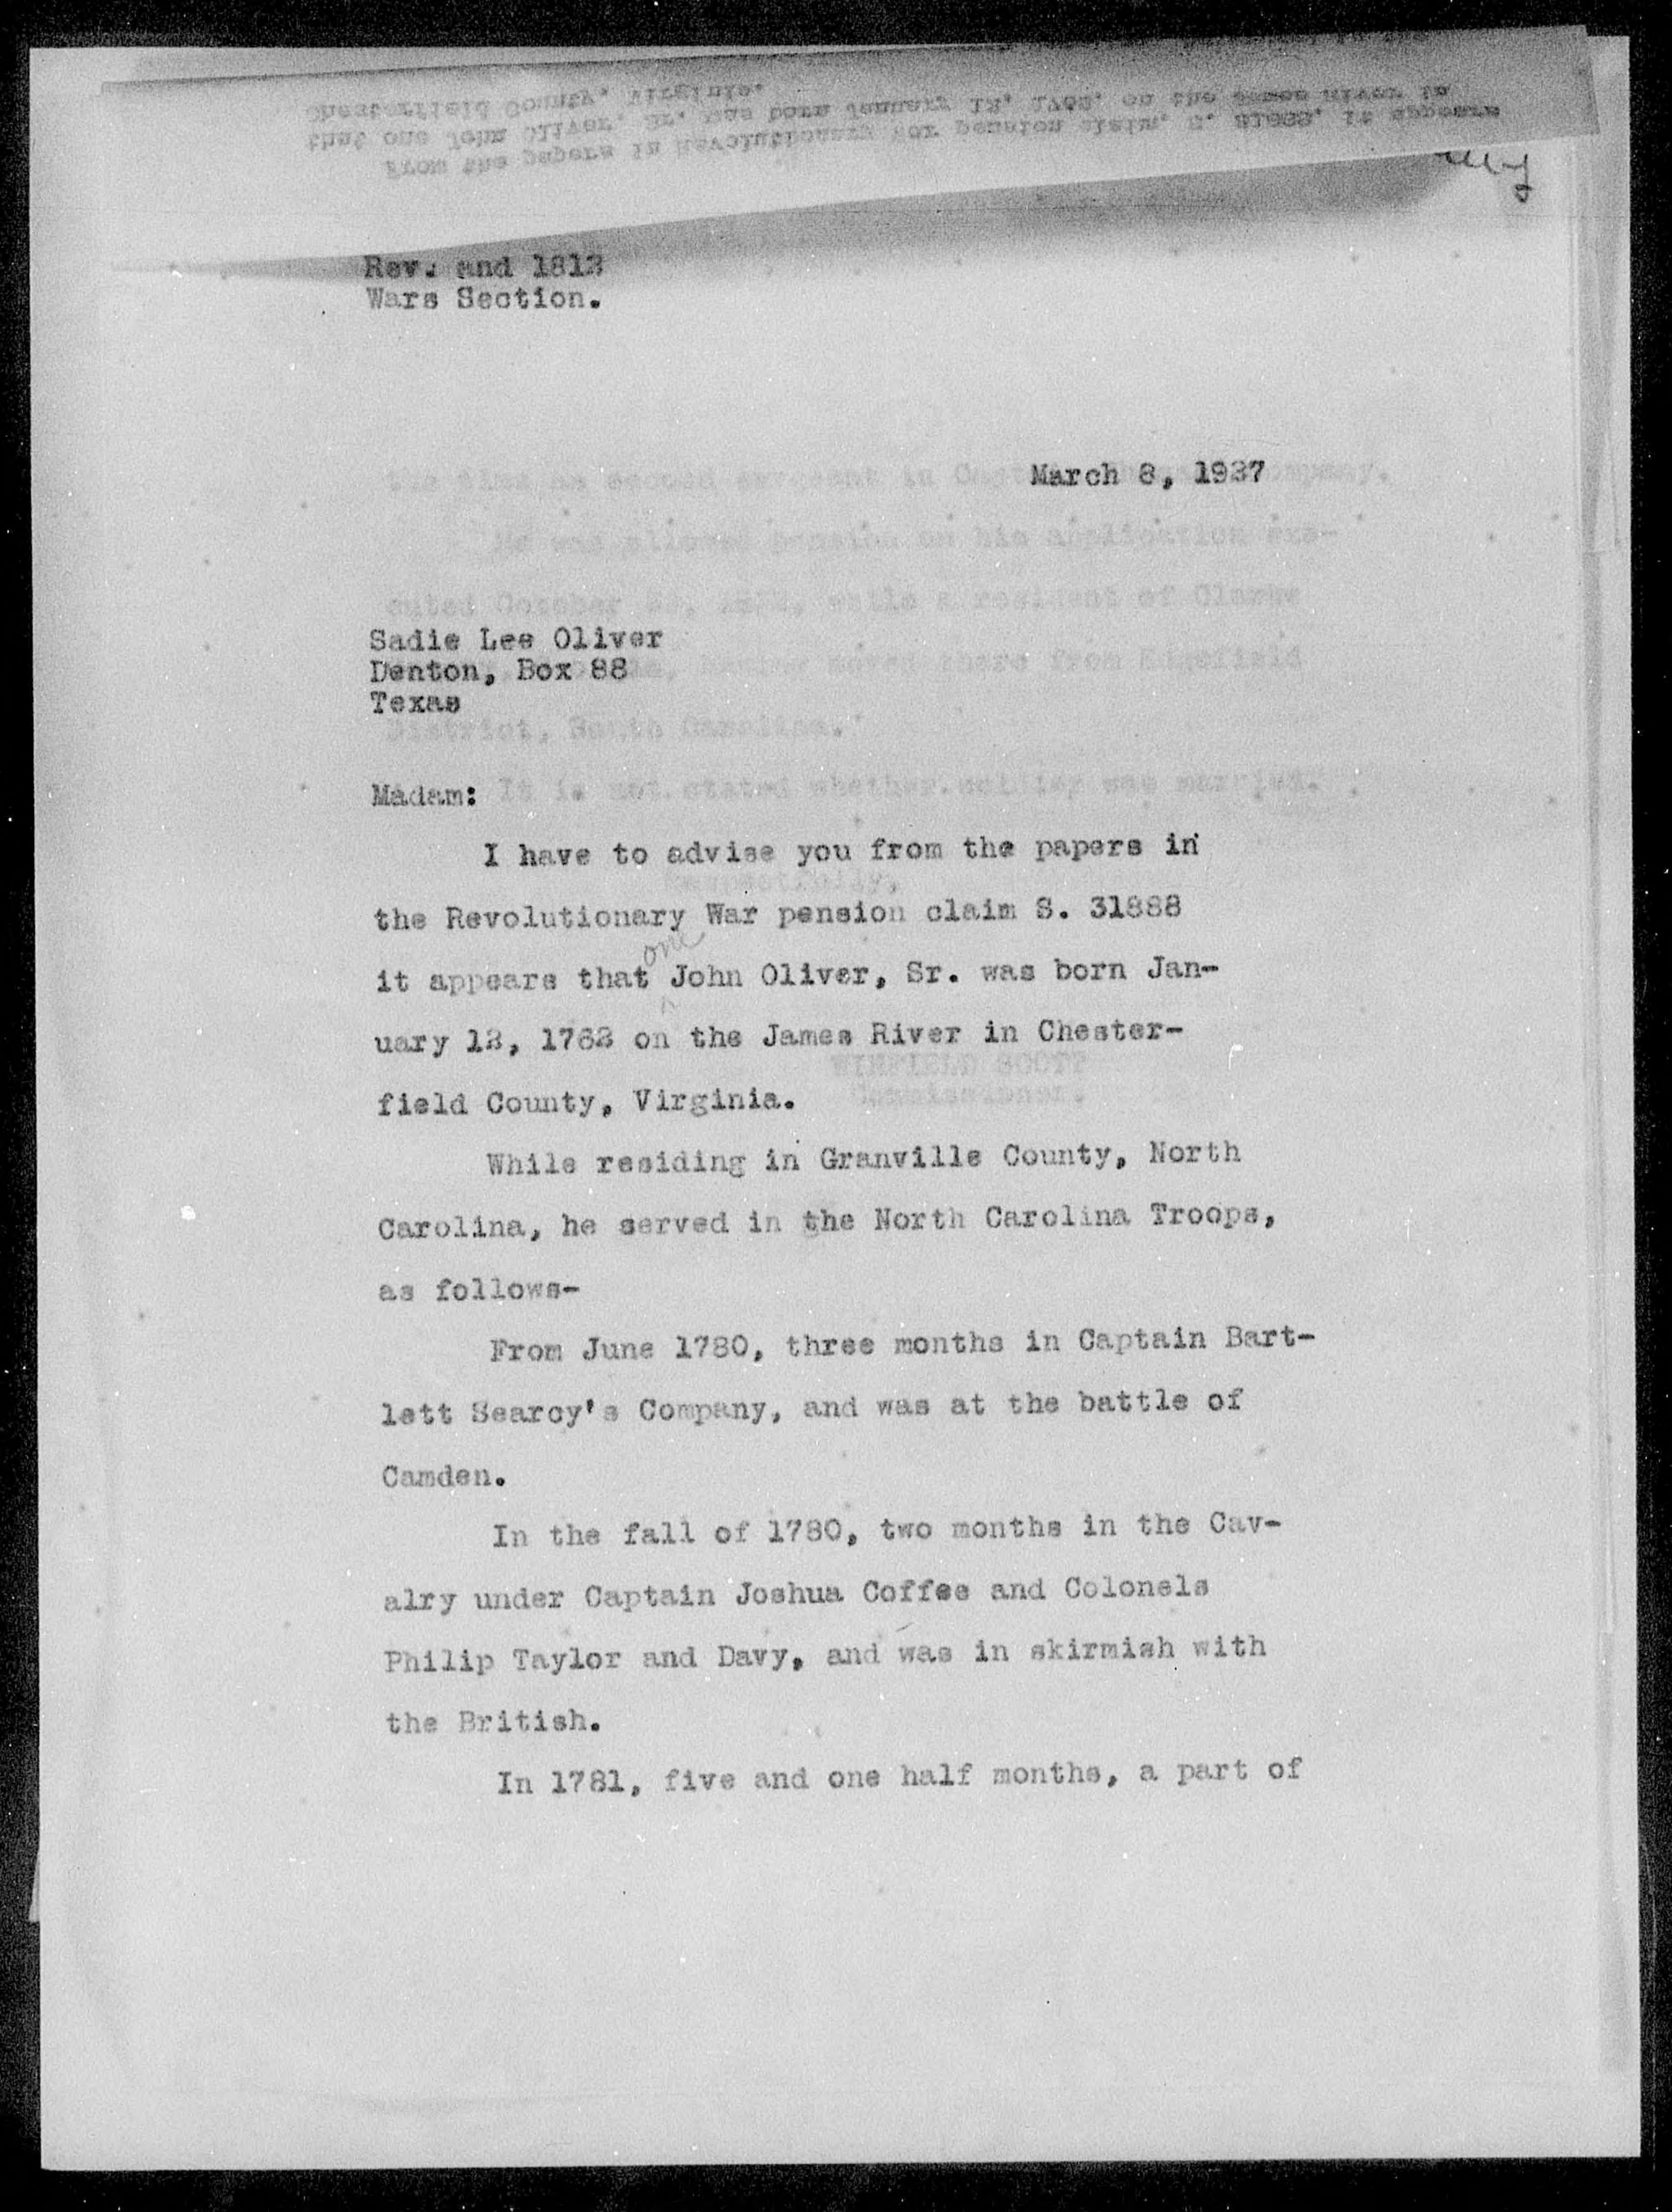Rev. and 1813 (sic)
Wars Section.
                     March 8, 1937

Sadie Lee Oliver
Denton, Box 88
Texas

Madam:
     I have to advise you from the papers in the Revolutionary War pension claim S.31888 it appears that one John Oliver, Sr. was born January 12, 1762 on the James River in chesterfield County, Virginia.
     While residing in Granville County, North Carolina, he served in the North Carolina Troops, as follows-
From June, 1780, three months in Captain Bartlett Searcy's Company, and was at the battle of Camden.
In the fall of 1780, two months in the Cavalry, under Captain Joshua Coffee and Colonels Philip Taylor and Davy, and was in a skirmish with the British.
In 1781, five and one half months, a part of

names: Sadie Lee Oliver; Joshua Coffee; John Oliver; Philip Davy; Philip Taylor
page: 31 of 32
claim: survivor's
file: S. 31888, for John Oliver, North Carolina